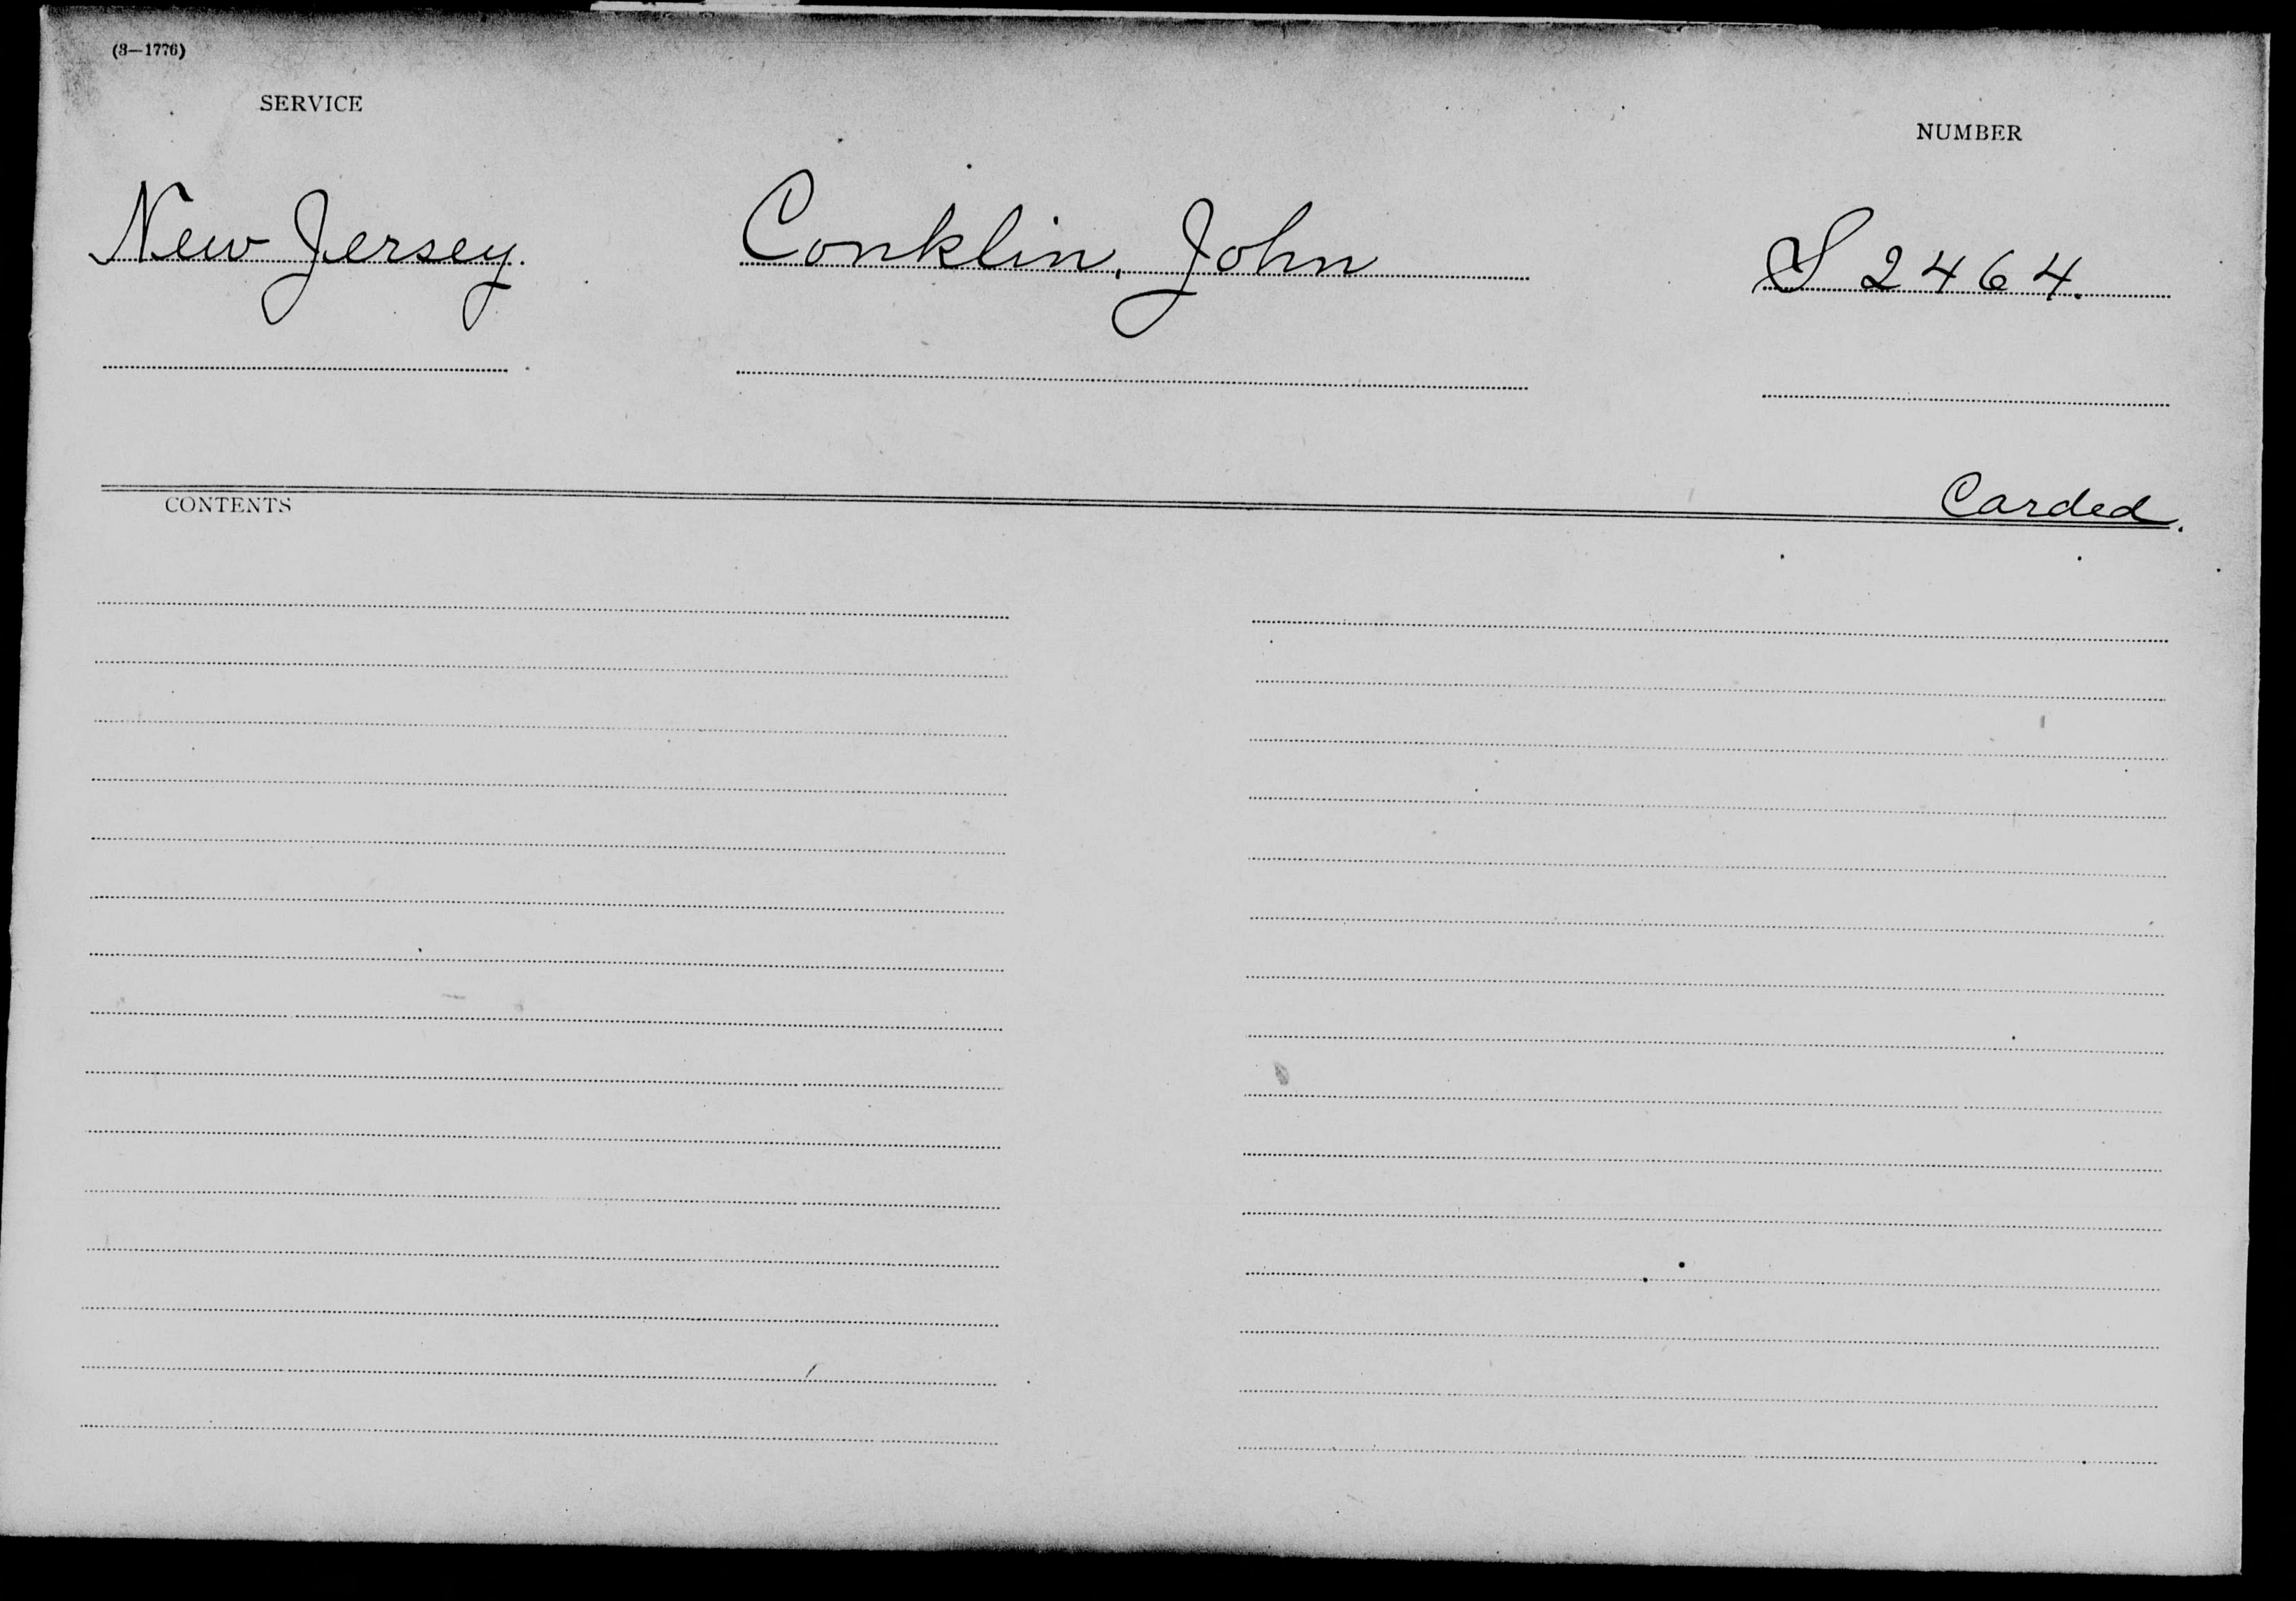(3-1776)

SERVICE
New Jersey

Conklin, John

NUMBER
S2464

CONTENTS

Carded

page: 1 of 28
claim: survivor's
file: S 2464, John Conklin, New Jersey